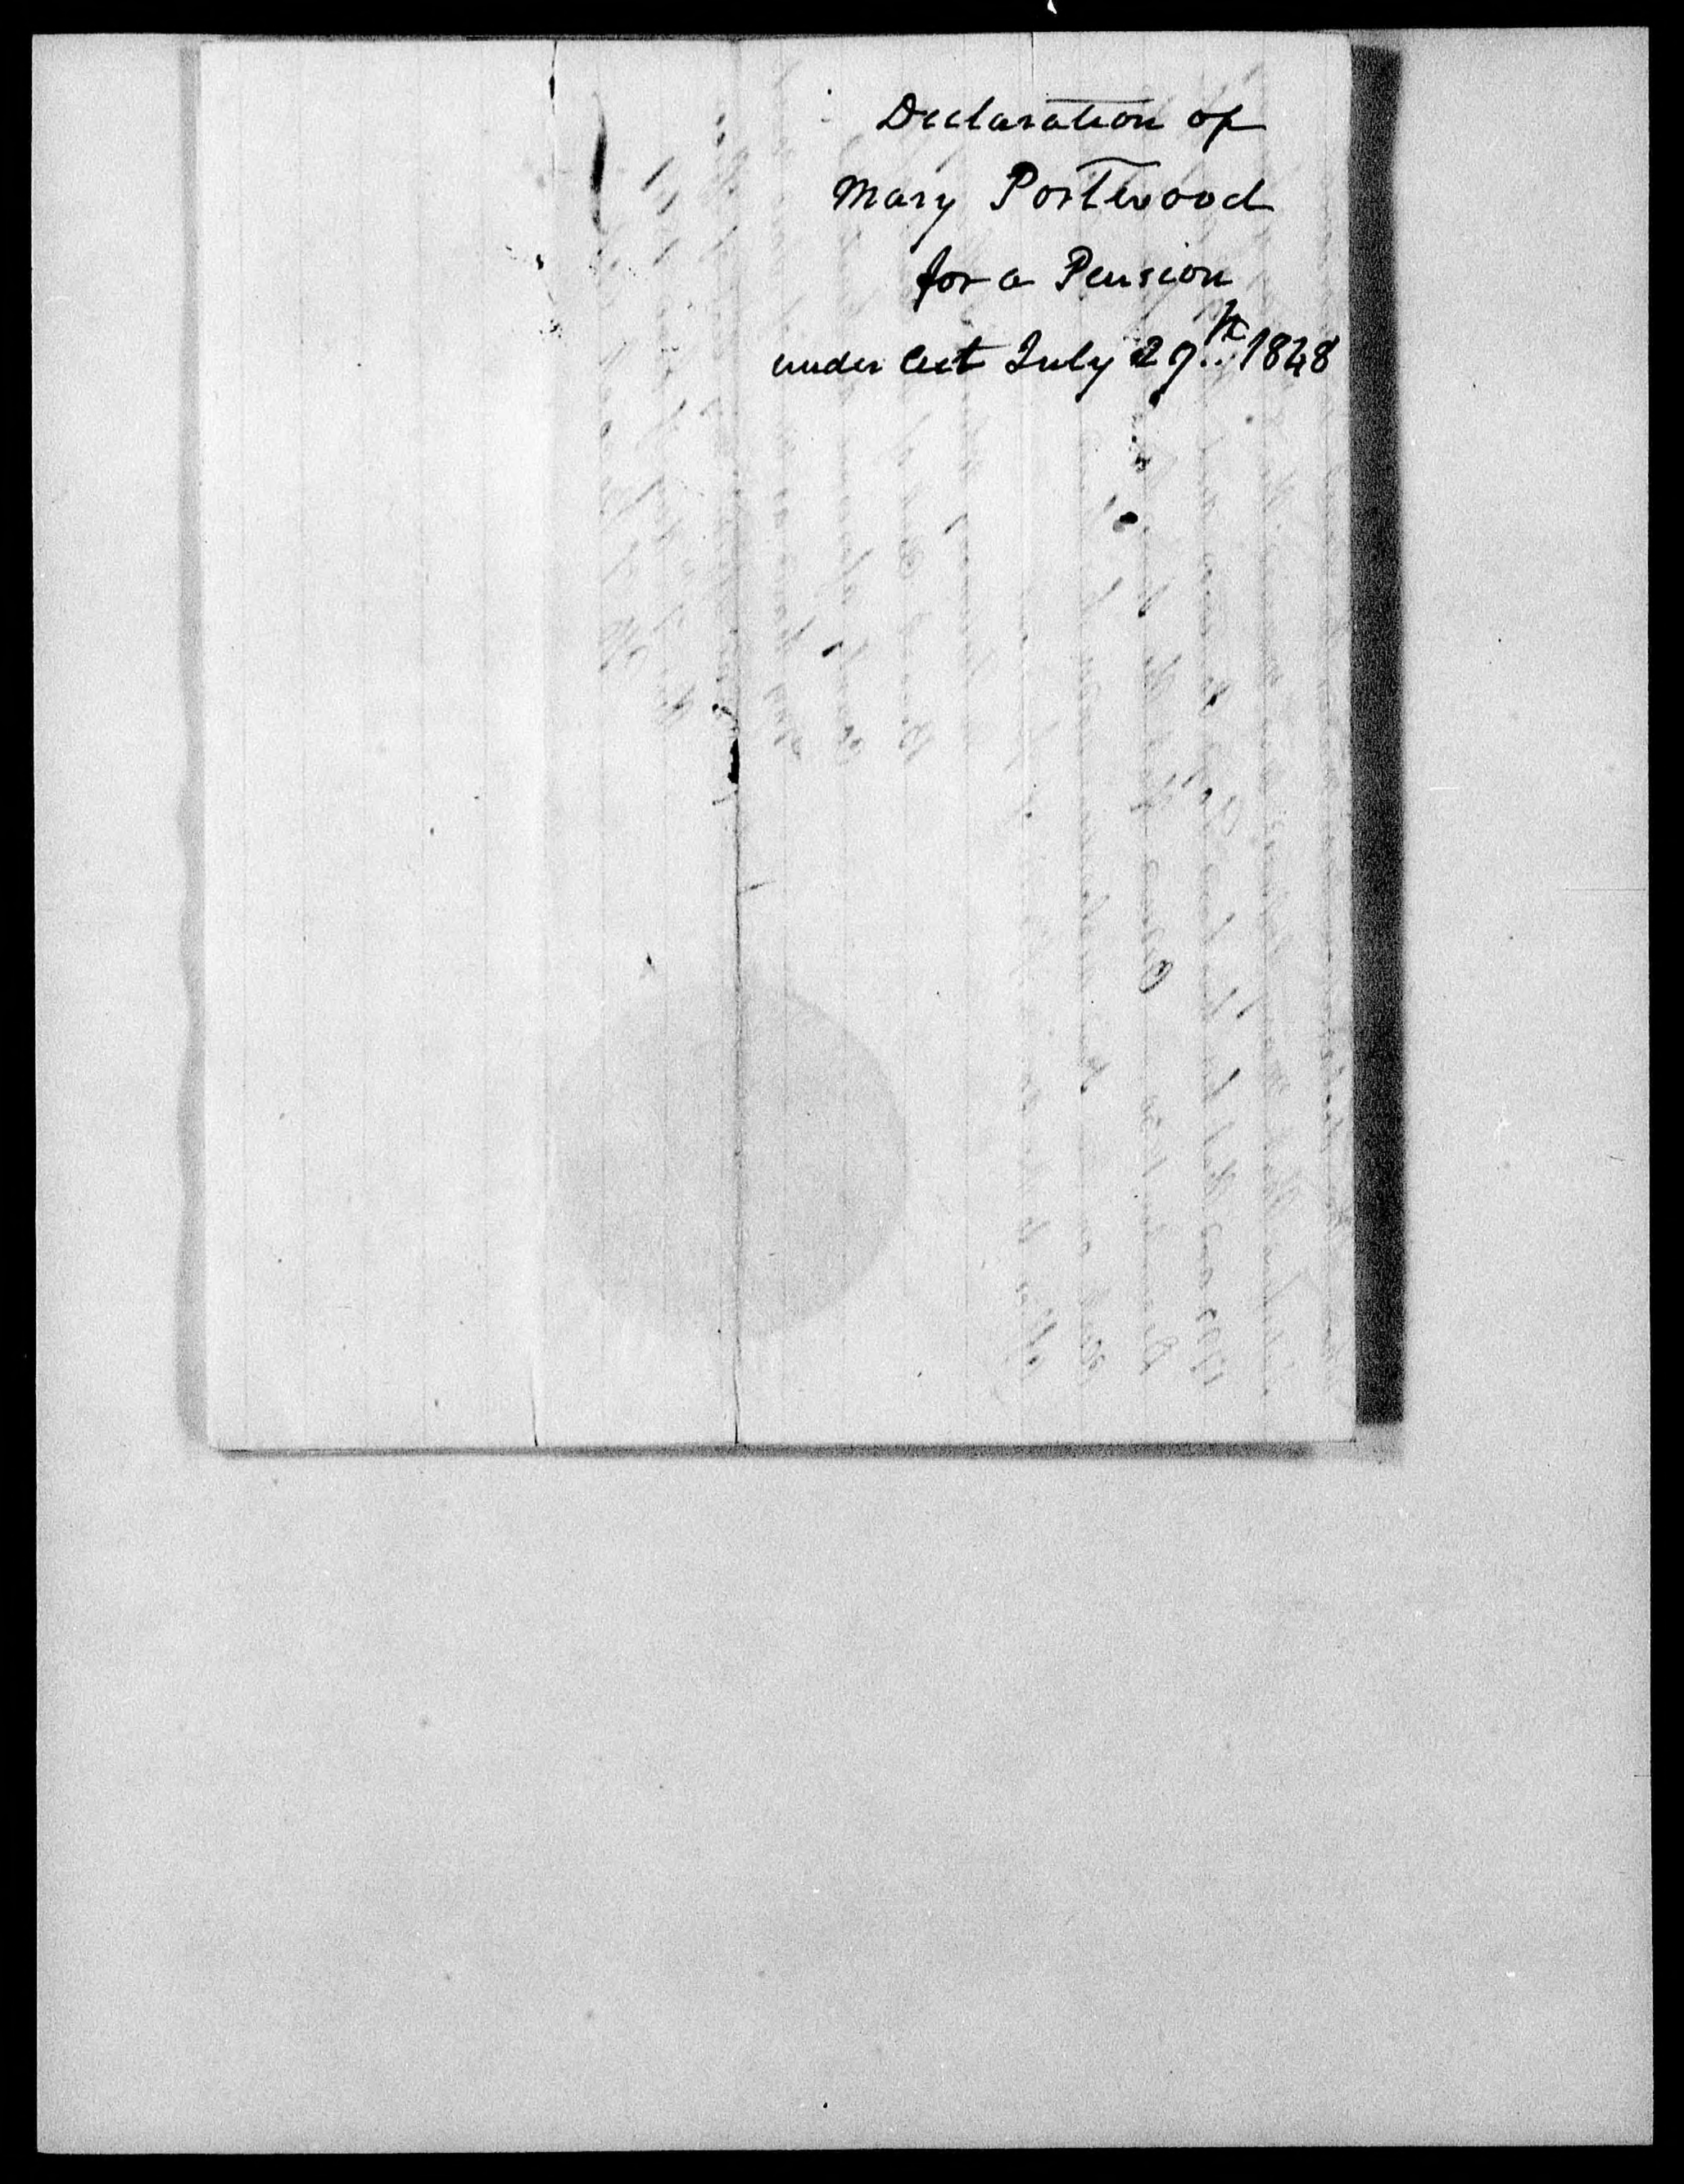Declaration of
Mary Portwood
for a Pension
under act July 29th 1848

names: Mary Portwood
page: 3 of 50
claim: widow's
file: W. 1929, for Lloyd Portwood, Virginia